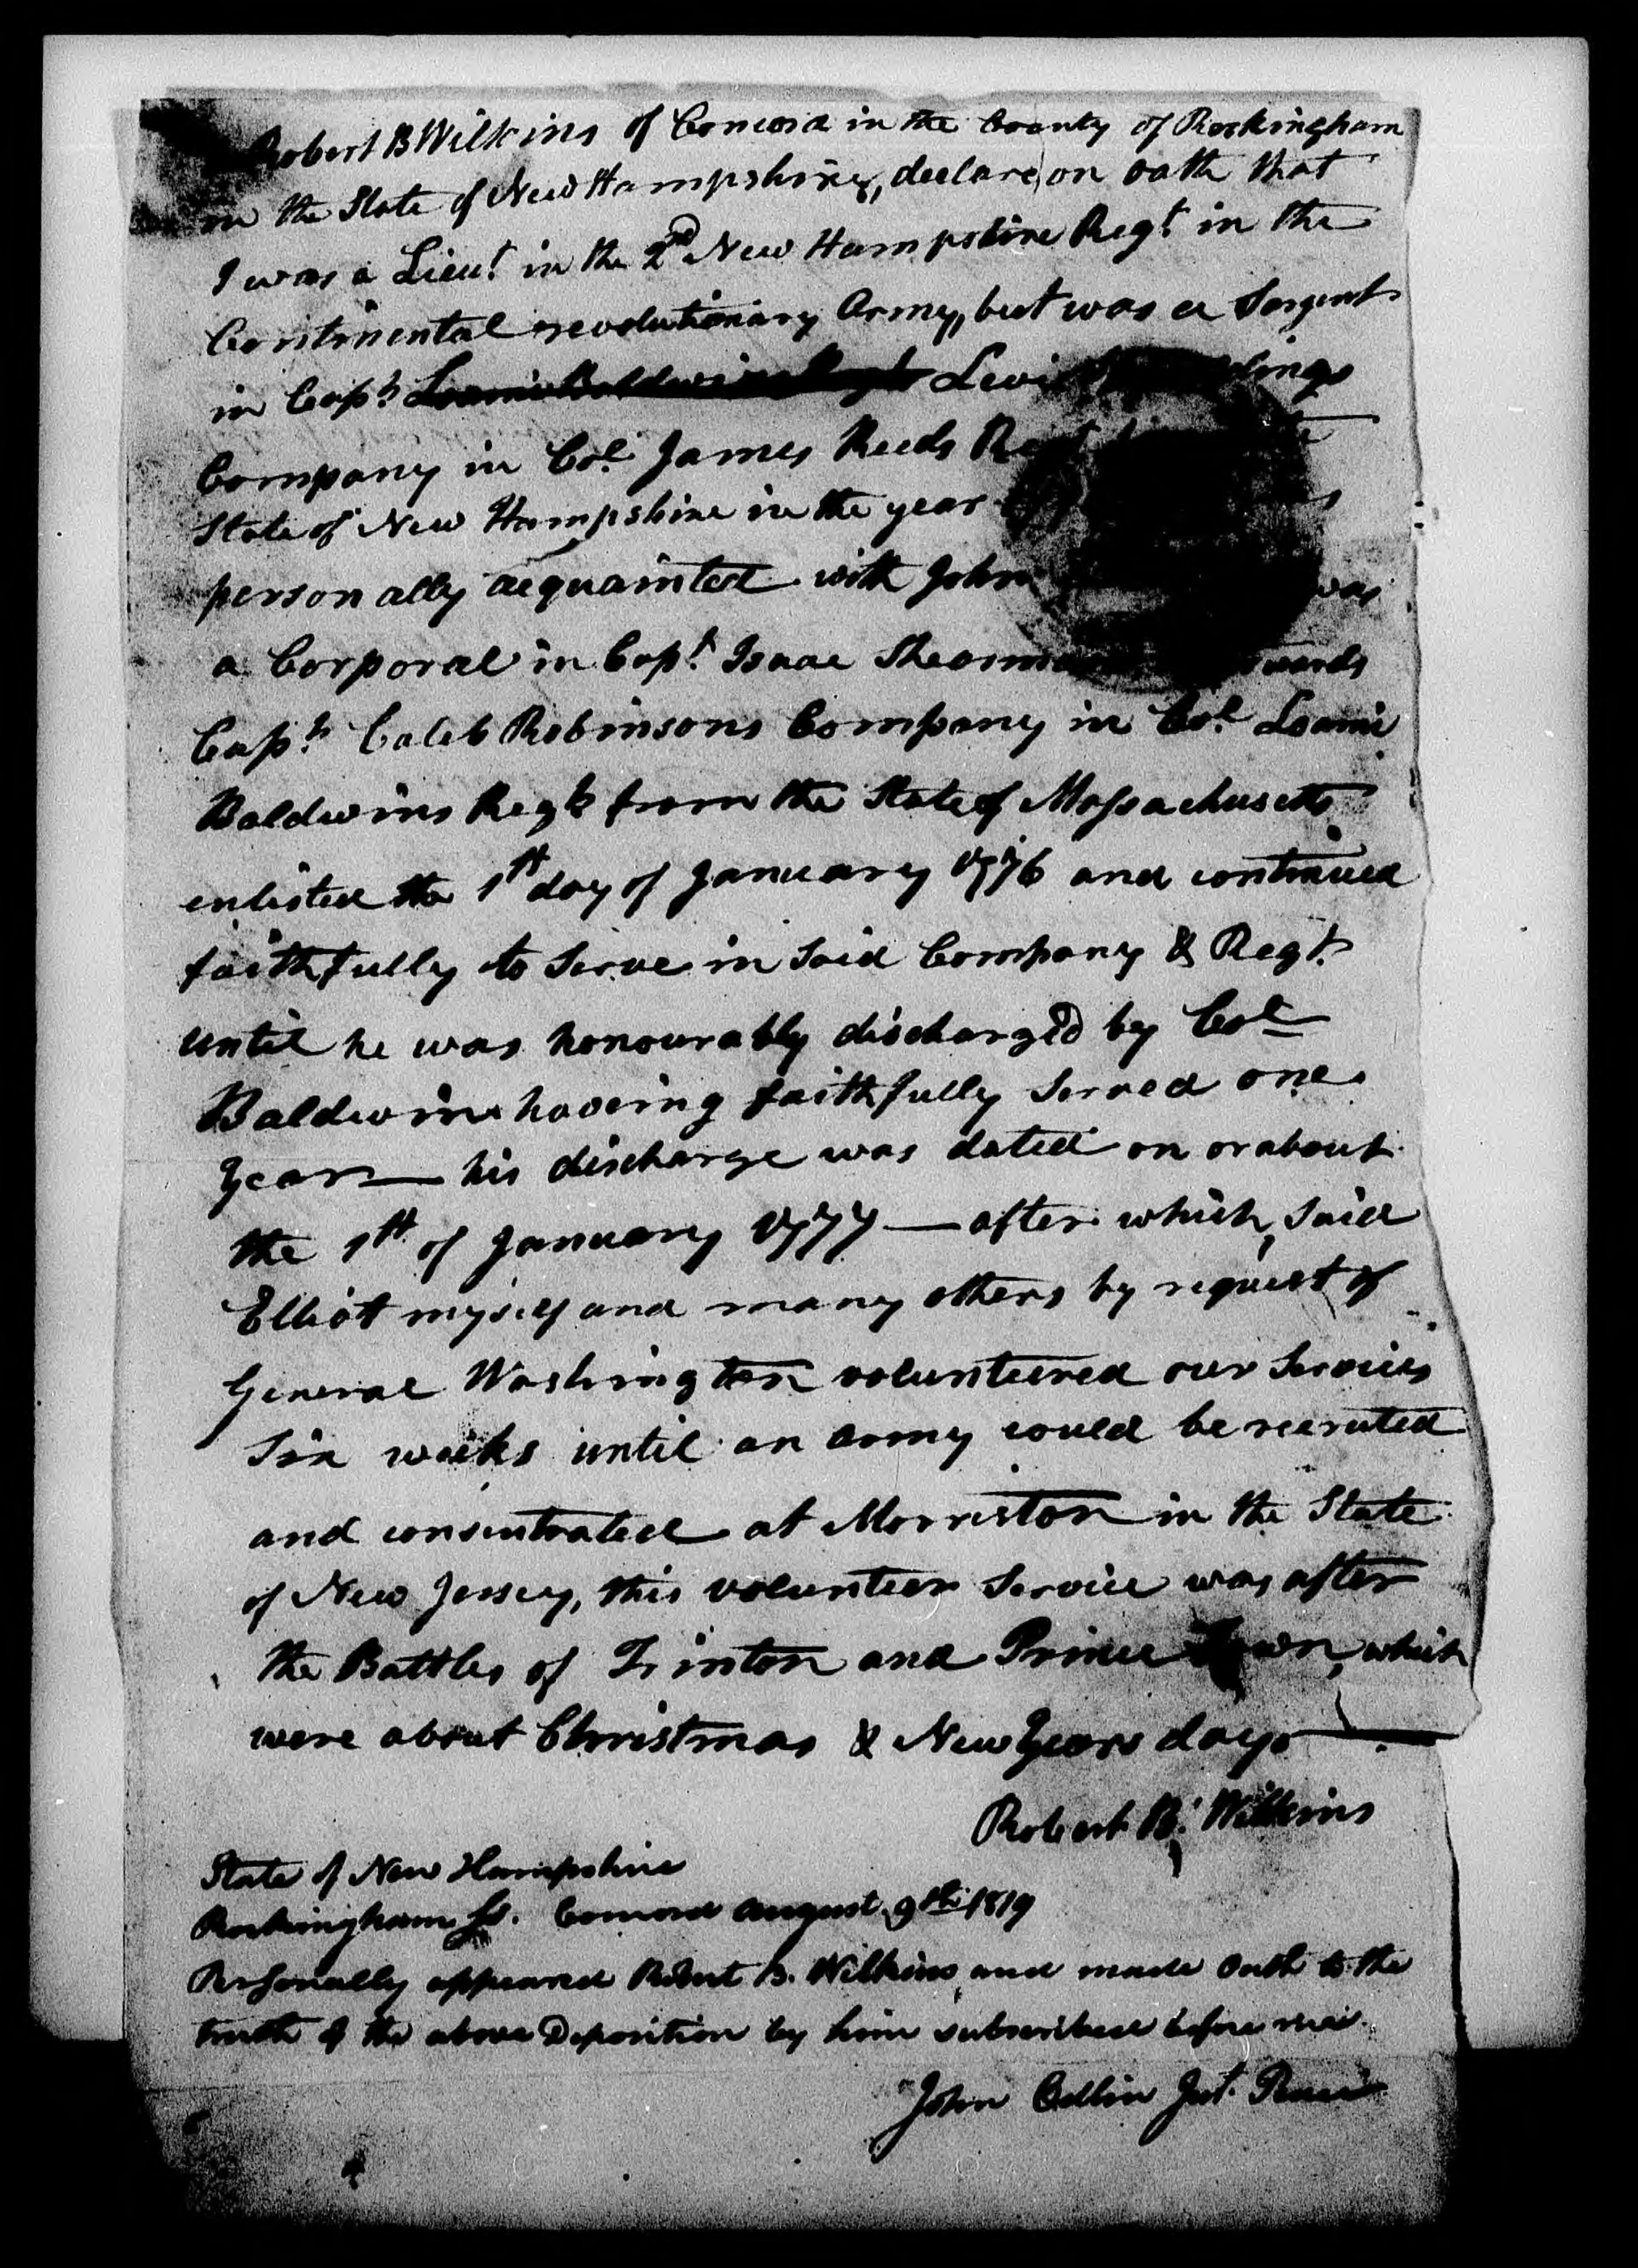Robert B Wilkins of Concord in the County of Rockingham
in the State of New Hampshire, declare on oath that I was a Lieut in the 2d New Hampshire Regt in the
Continental revolutionary Army, but was a Sargent
in Capt Levi
Spaulding's Company in Col James Reeds [illegible regiment]
State of New Hampshire in the year [illegible]
personally acquainted with John Elliot
a Corporal in Capt Isaac Shearman
Capt Caleb Robinsons Company in Col James
Baldwins Regh from the State of Massachusetts
enlisted the 1st day of January 1776 and continued
faithfully to serve in said Company & Regt
until he was honourably discharged by Col
Baldwin having faithfully served one
years his discharge was dated on or about
the 11th of January 1777 - after which said
Elliot myself and many others by request of
General Washington volunteered our services
six weeks until an army could be recruited
and consentrated at Morriston in the State of
New Jersey this volunteer service was after
the Battle of Trenton and Prince town, which
were about Christmas & New Year days
Robert R. Wilkins
State of New Hampshire
Rockingham ss. Concord August 9th 1819
Personally appeared Robert B. Wilkins and made oath to the
truth of the above Deposition by him subscribed before me
John Collin Just Pease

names: Robert B Wilkins, Loami Baldwin, Baldwin, John Elliot, Robert B Wilkins, Robert B Wilkins, Washington, Isaac Shearman, Elliot, John Collin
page: 38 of 57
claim: widow's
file: W. 16,114, John Elliot, Continental (Mass) N.H.